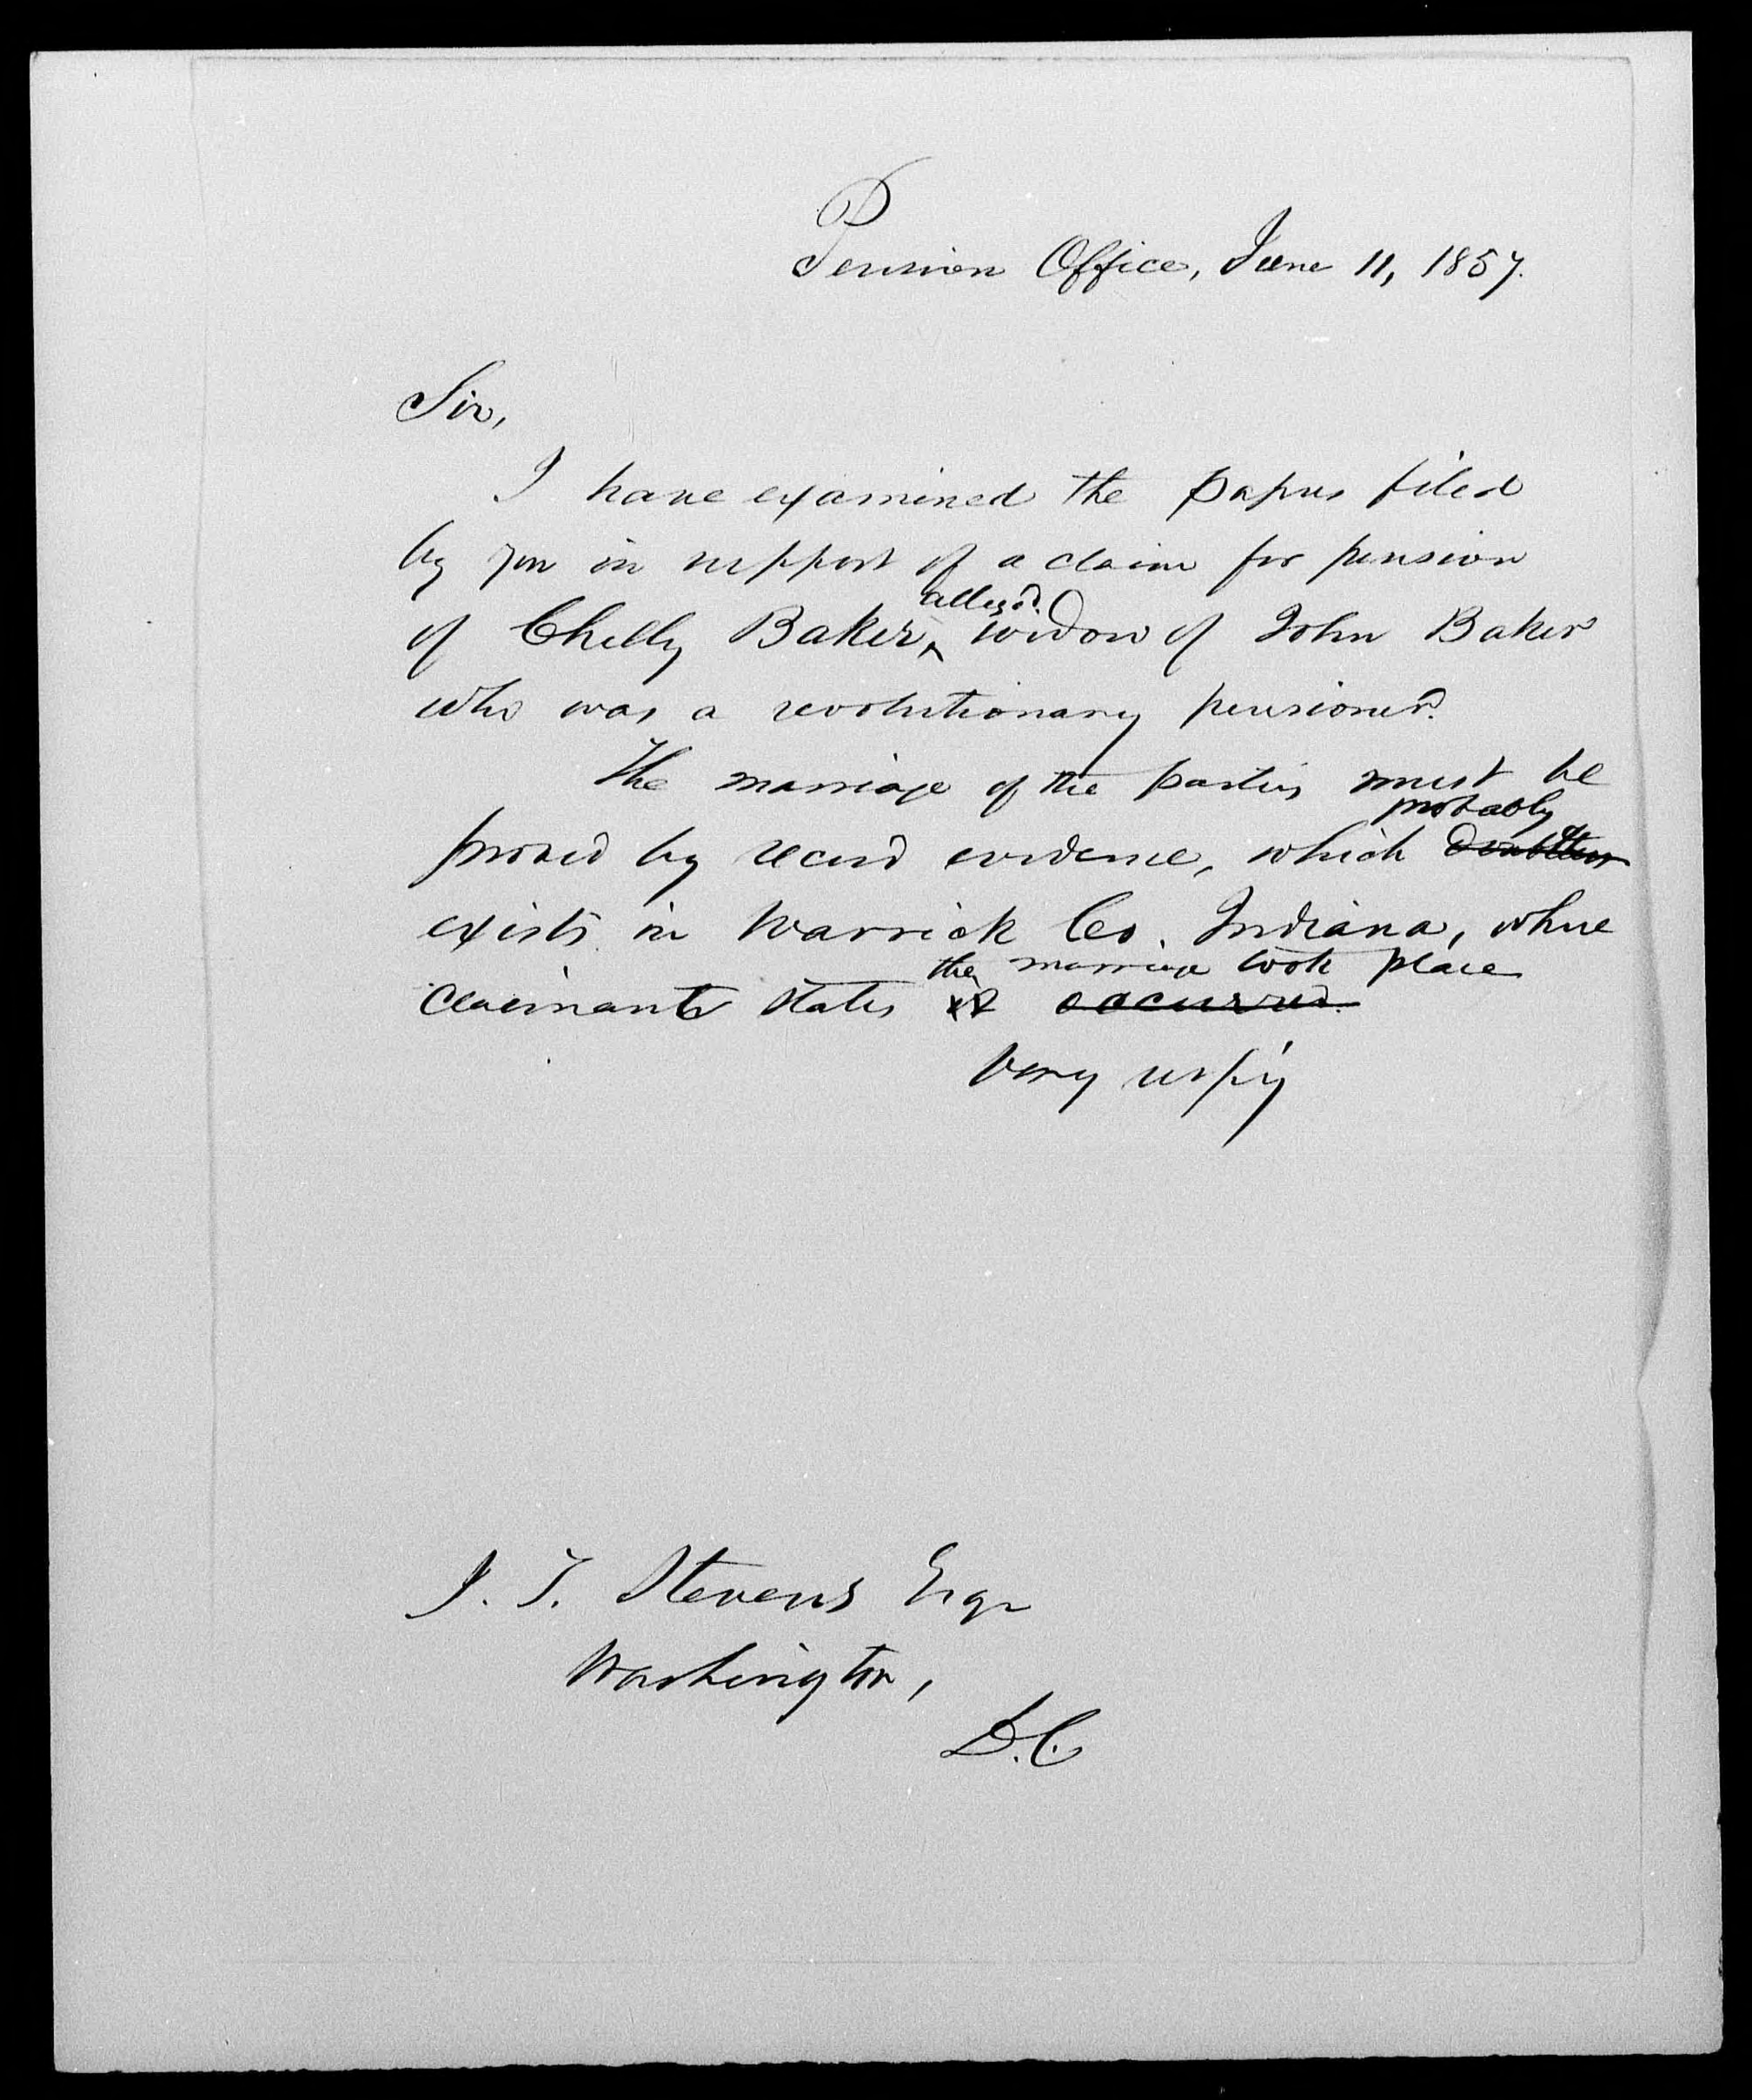Pension Office, June 11, 1857
Sir,
I have examined the papers filed by you in support of a claim for pension of Chelly Baker alleged Widow of John Baker who was a revolutionary pensioner.
The marriage of the parties must be proved by record evidence, which probably exists in Warrick Co. Indiana, where claimant states the marriage took place.
Very respy
J. T. Stevens Esqr
Washington, D.C.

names: John Baker, Chelly Baker, J T Stevens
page: 23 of 27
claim: rejected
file: R. 406, John Baker, S.C.